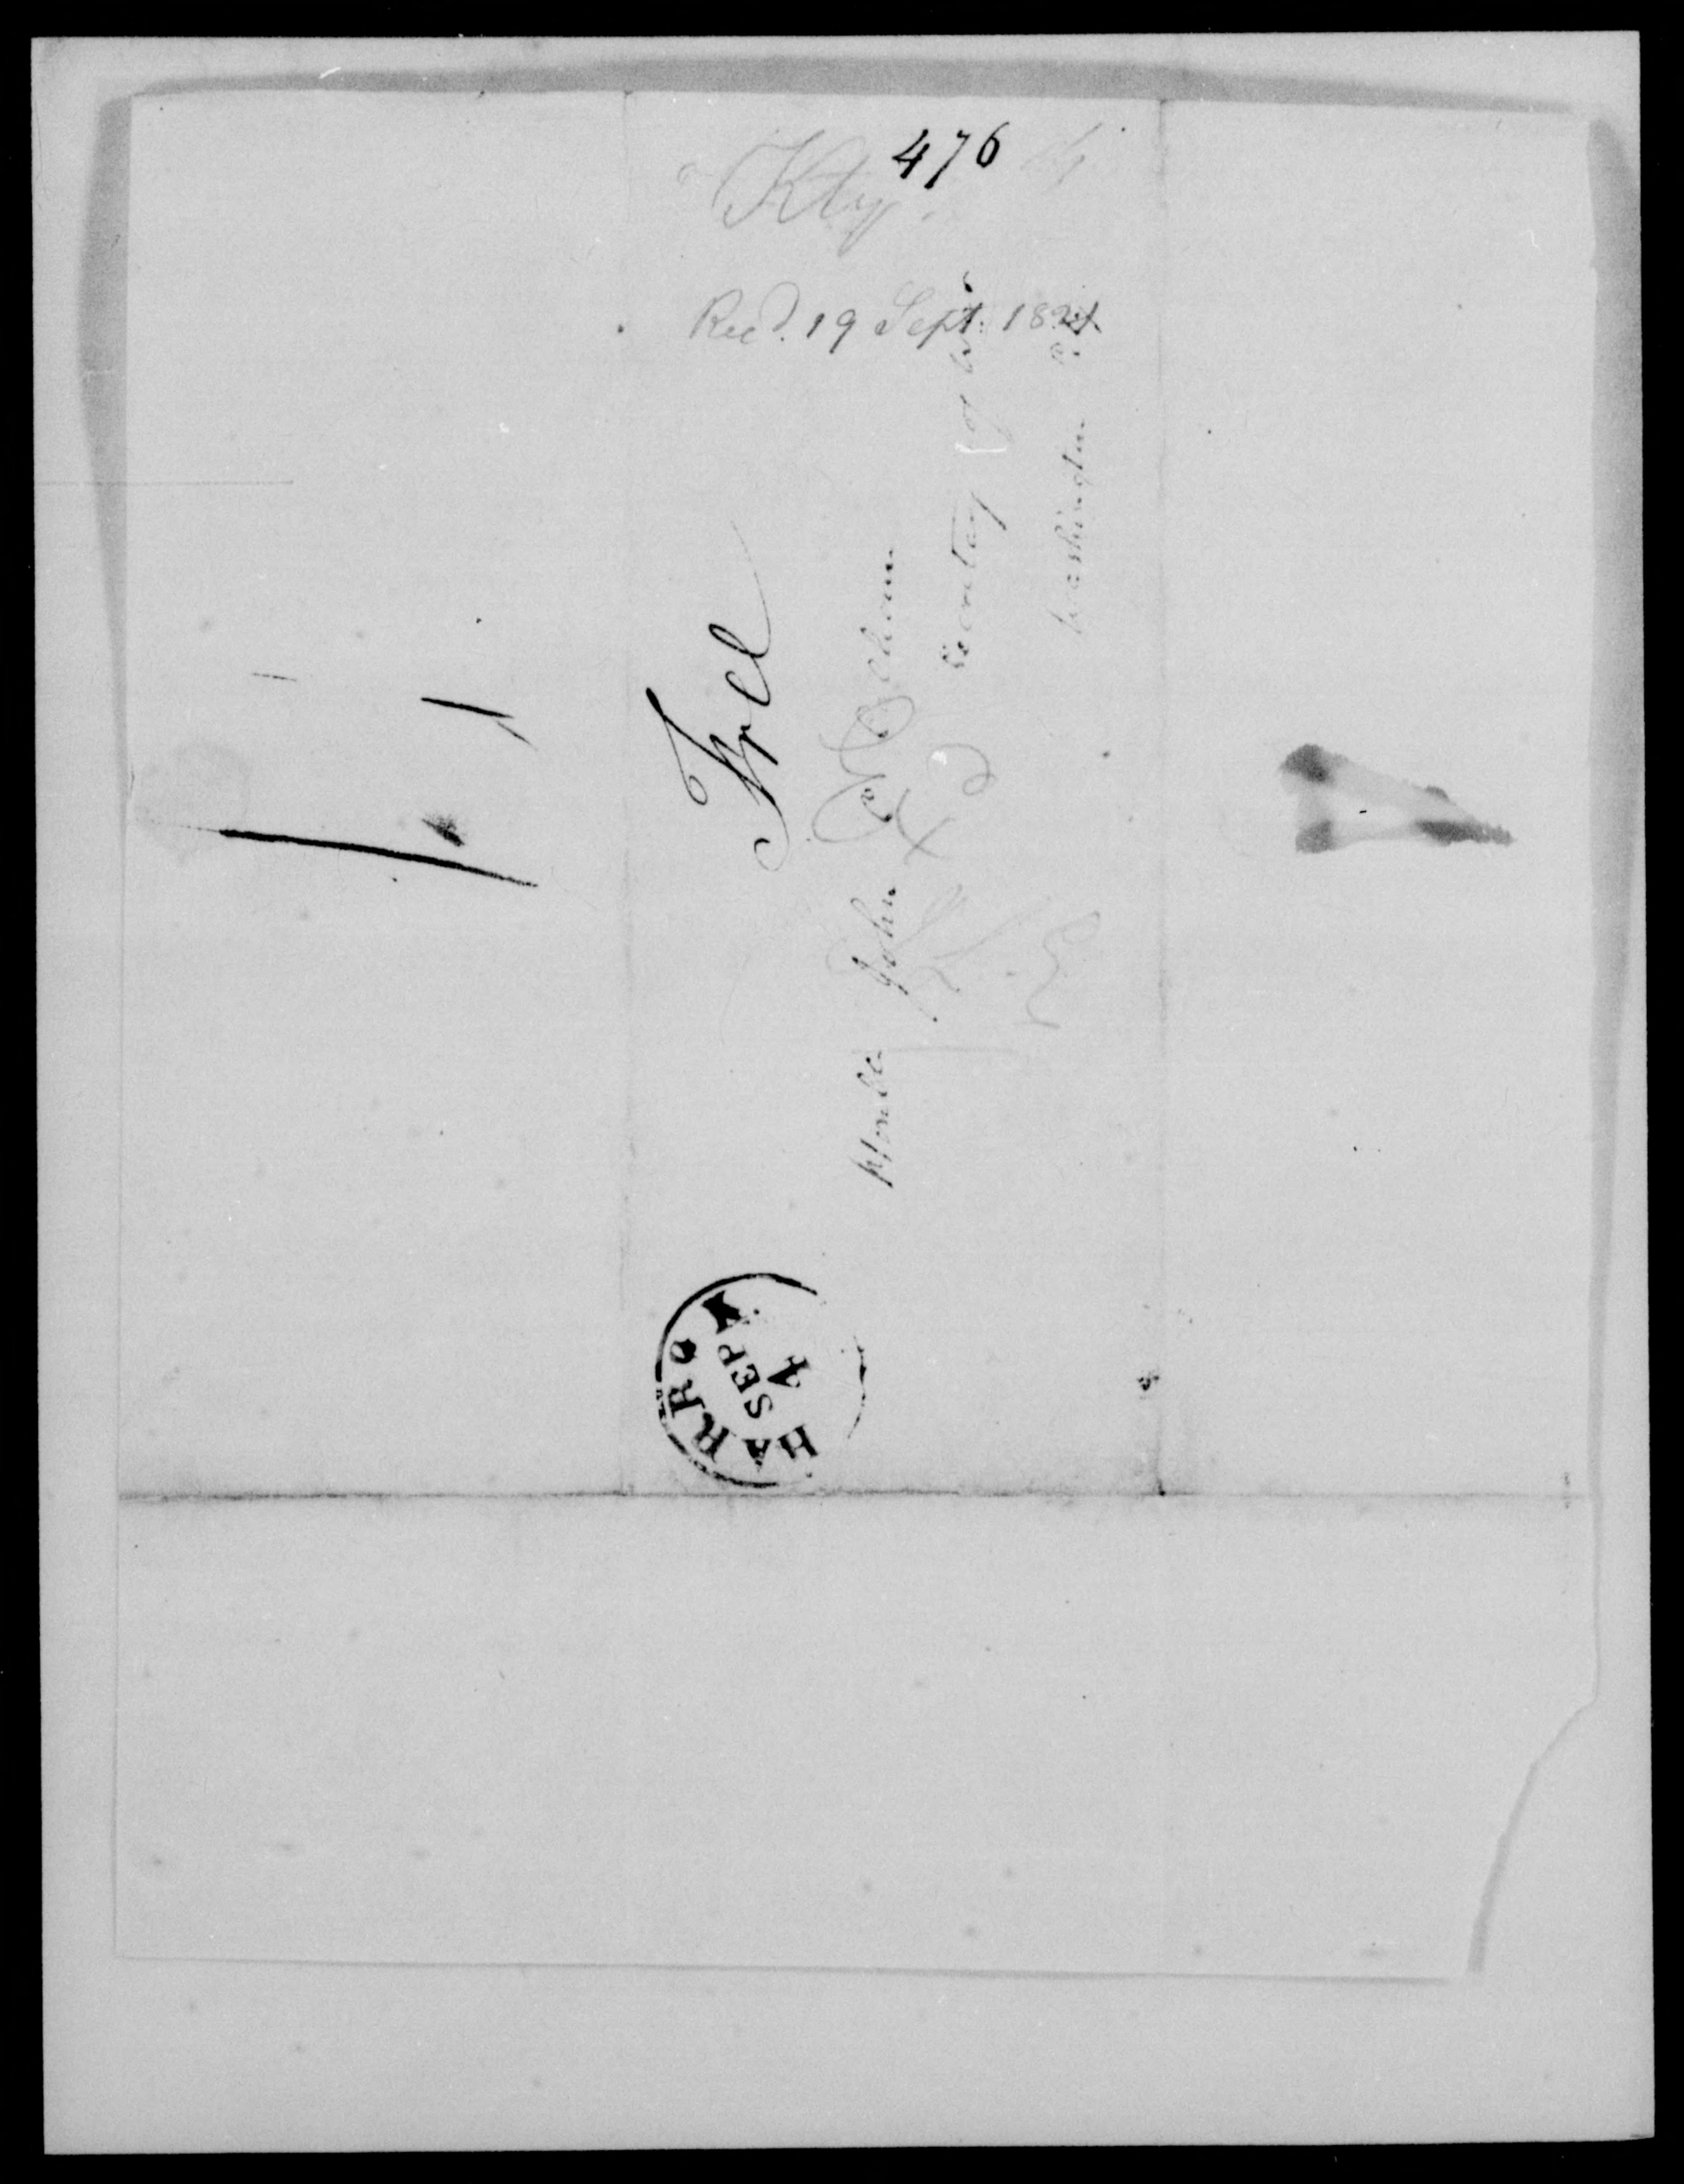Free

Honorable John C. Calhoun
Secretary of War
Washington City

[stamp - Harro. K. SEP 4]

Kty. 476
Rec'd 19 Sept. 1821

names: John E Calhoun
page: 14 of 15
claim: survivor's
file: S. 37,435, for George Speak, Virginia